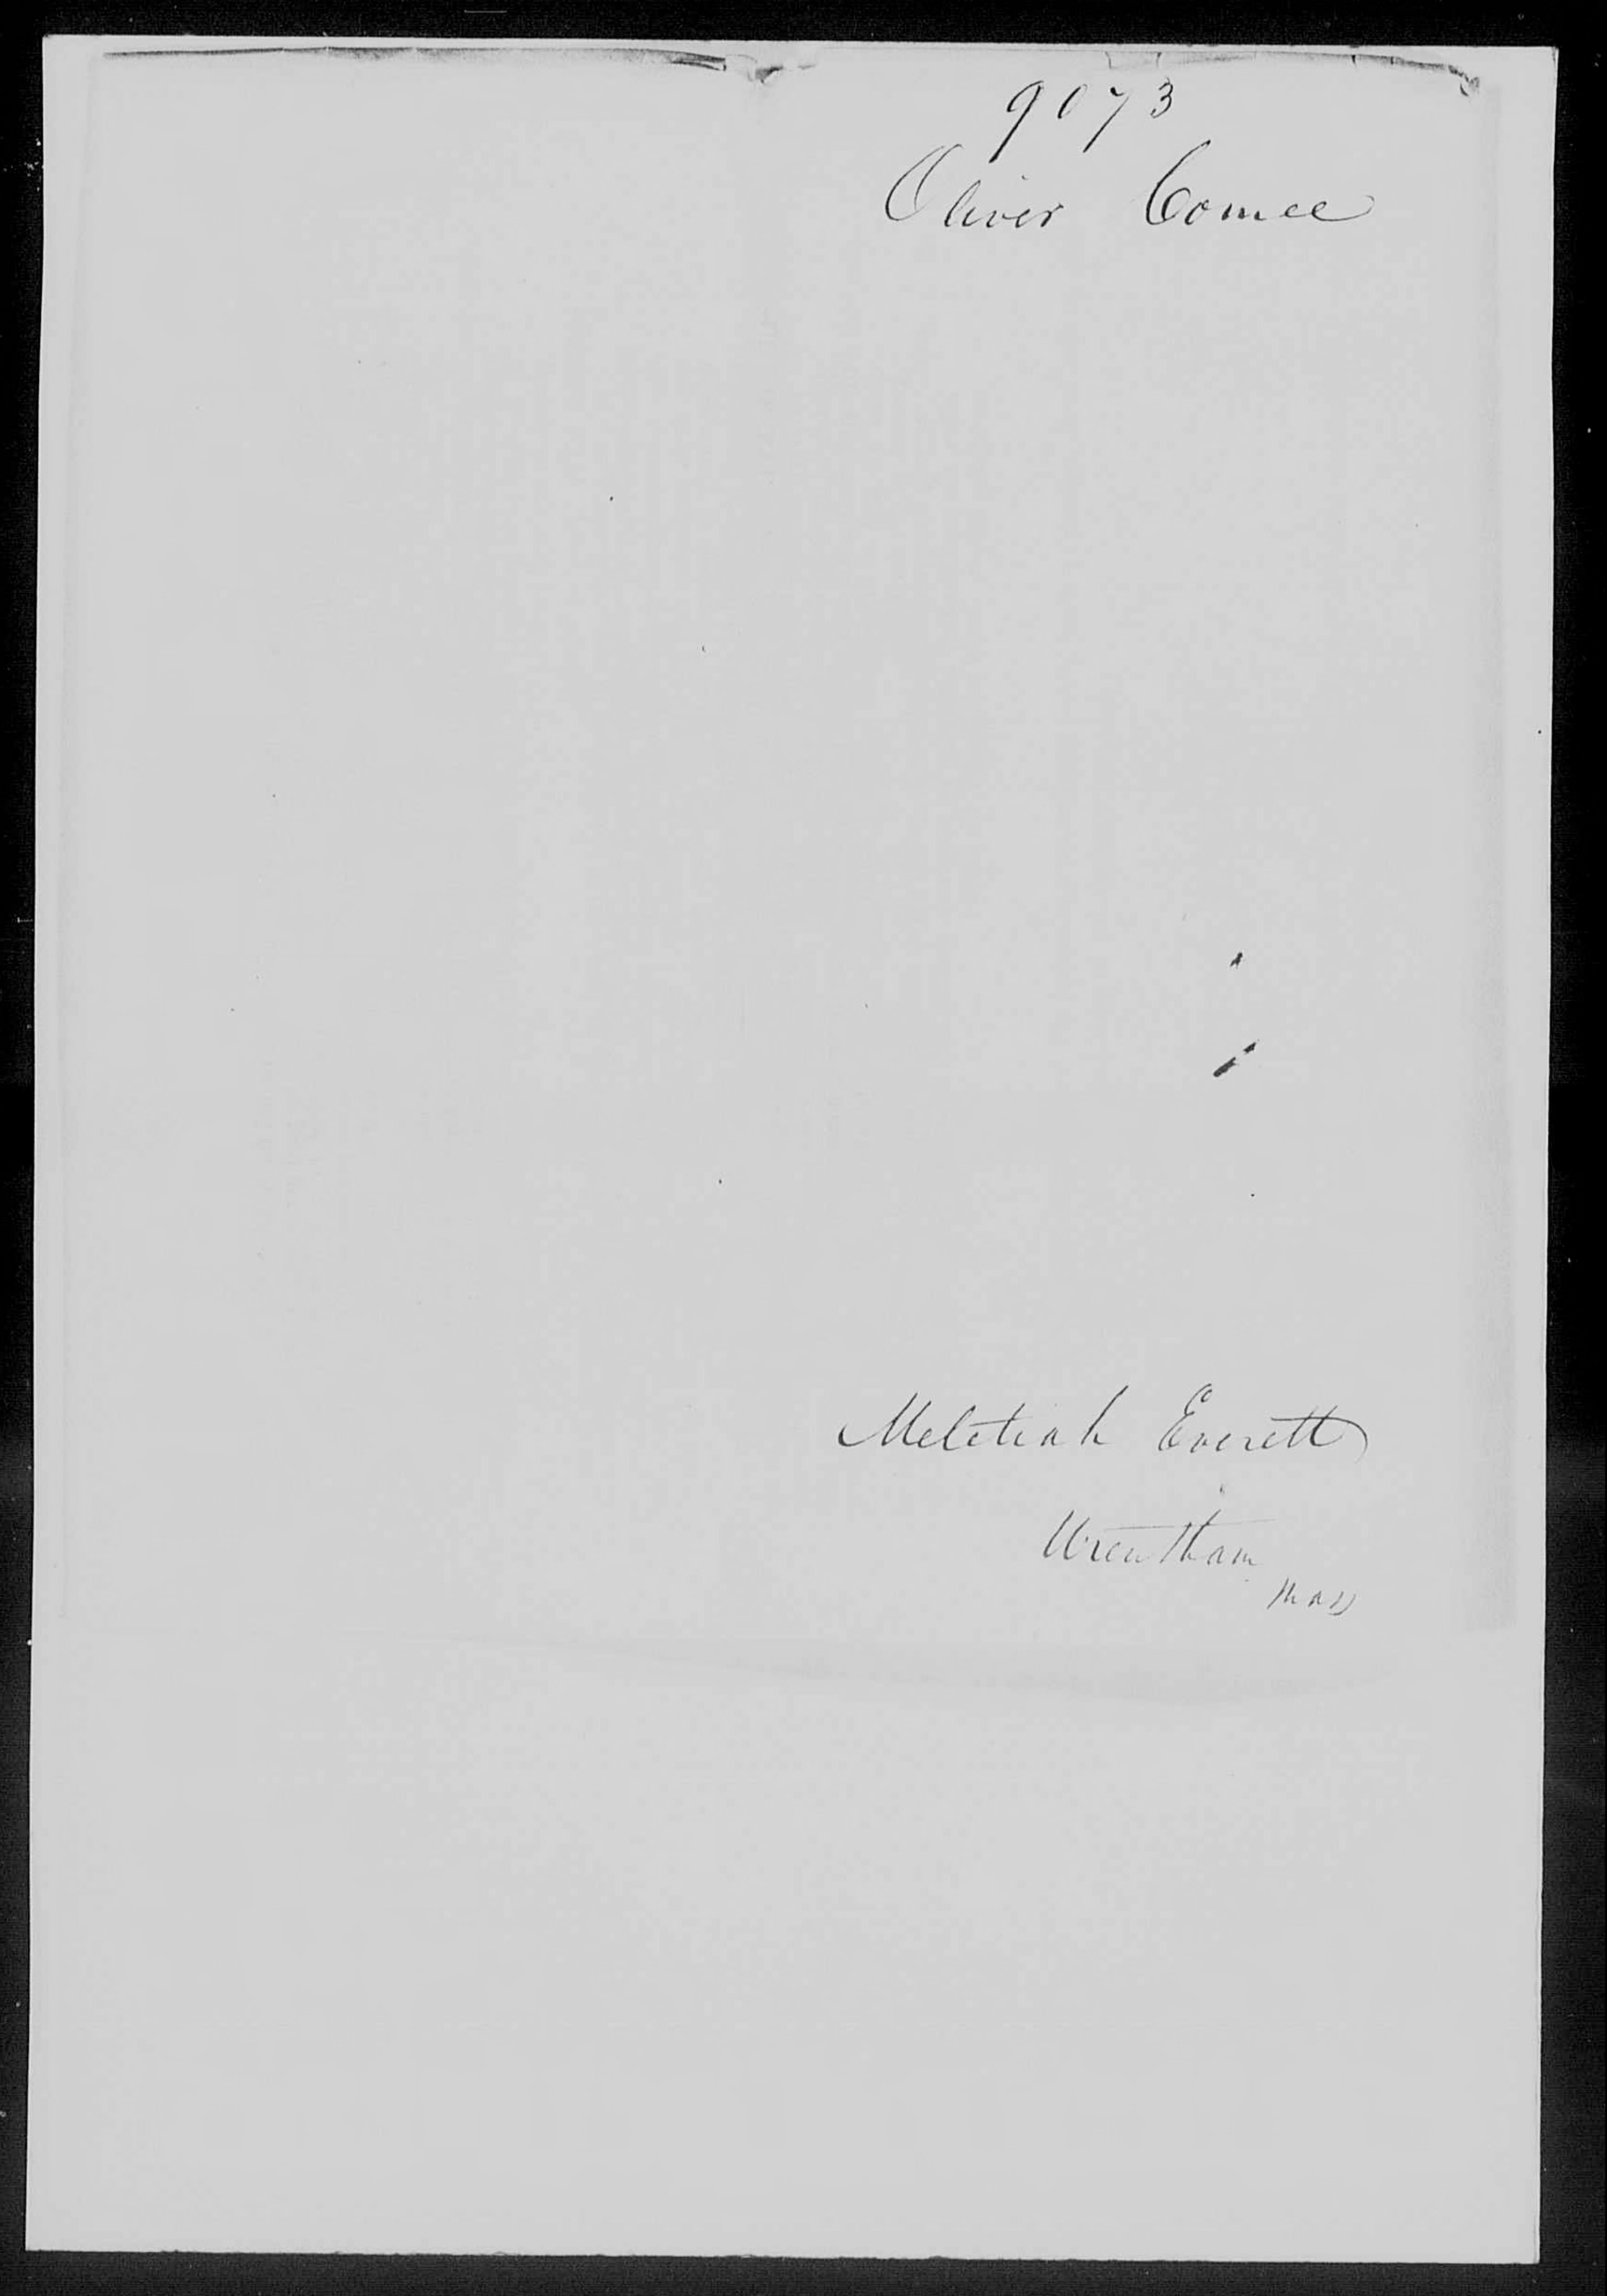9073 
Oliver Comee

Meletiah Everett 
Wrentham Mass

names: Meletiah Everett, Oliver Comee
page: 21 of 45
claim: widow's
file: W. 14,567, Oliver Comee, Mass.